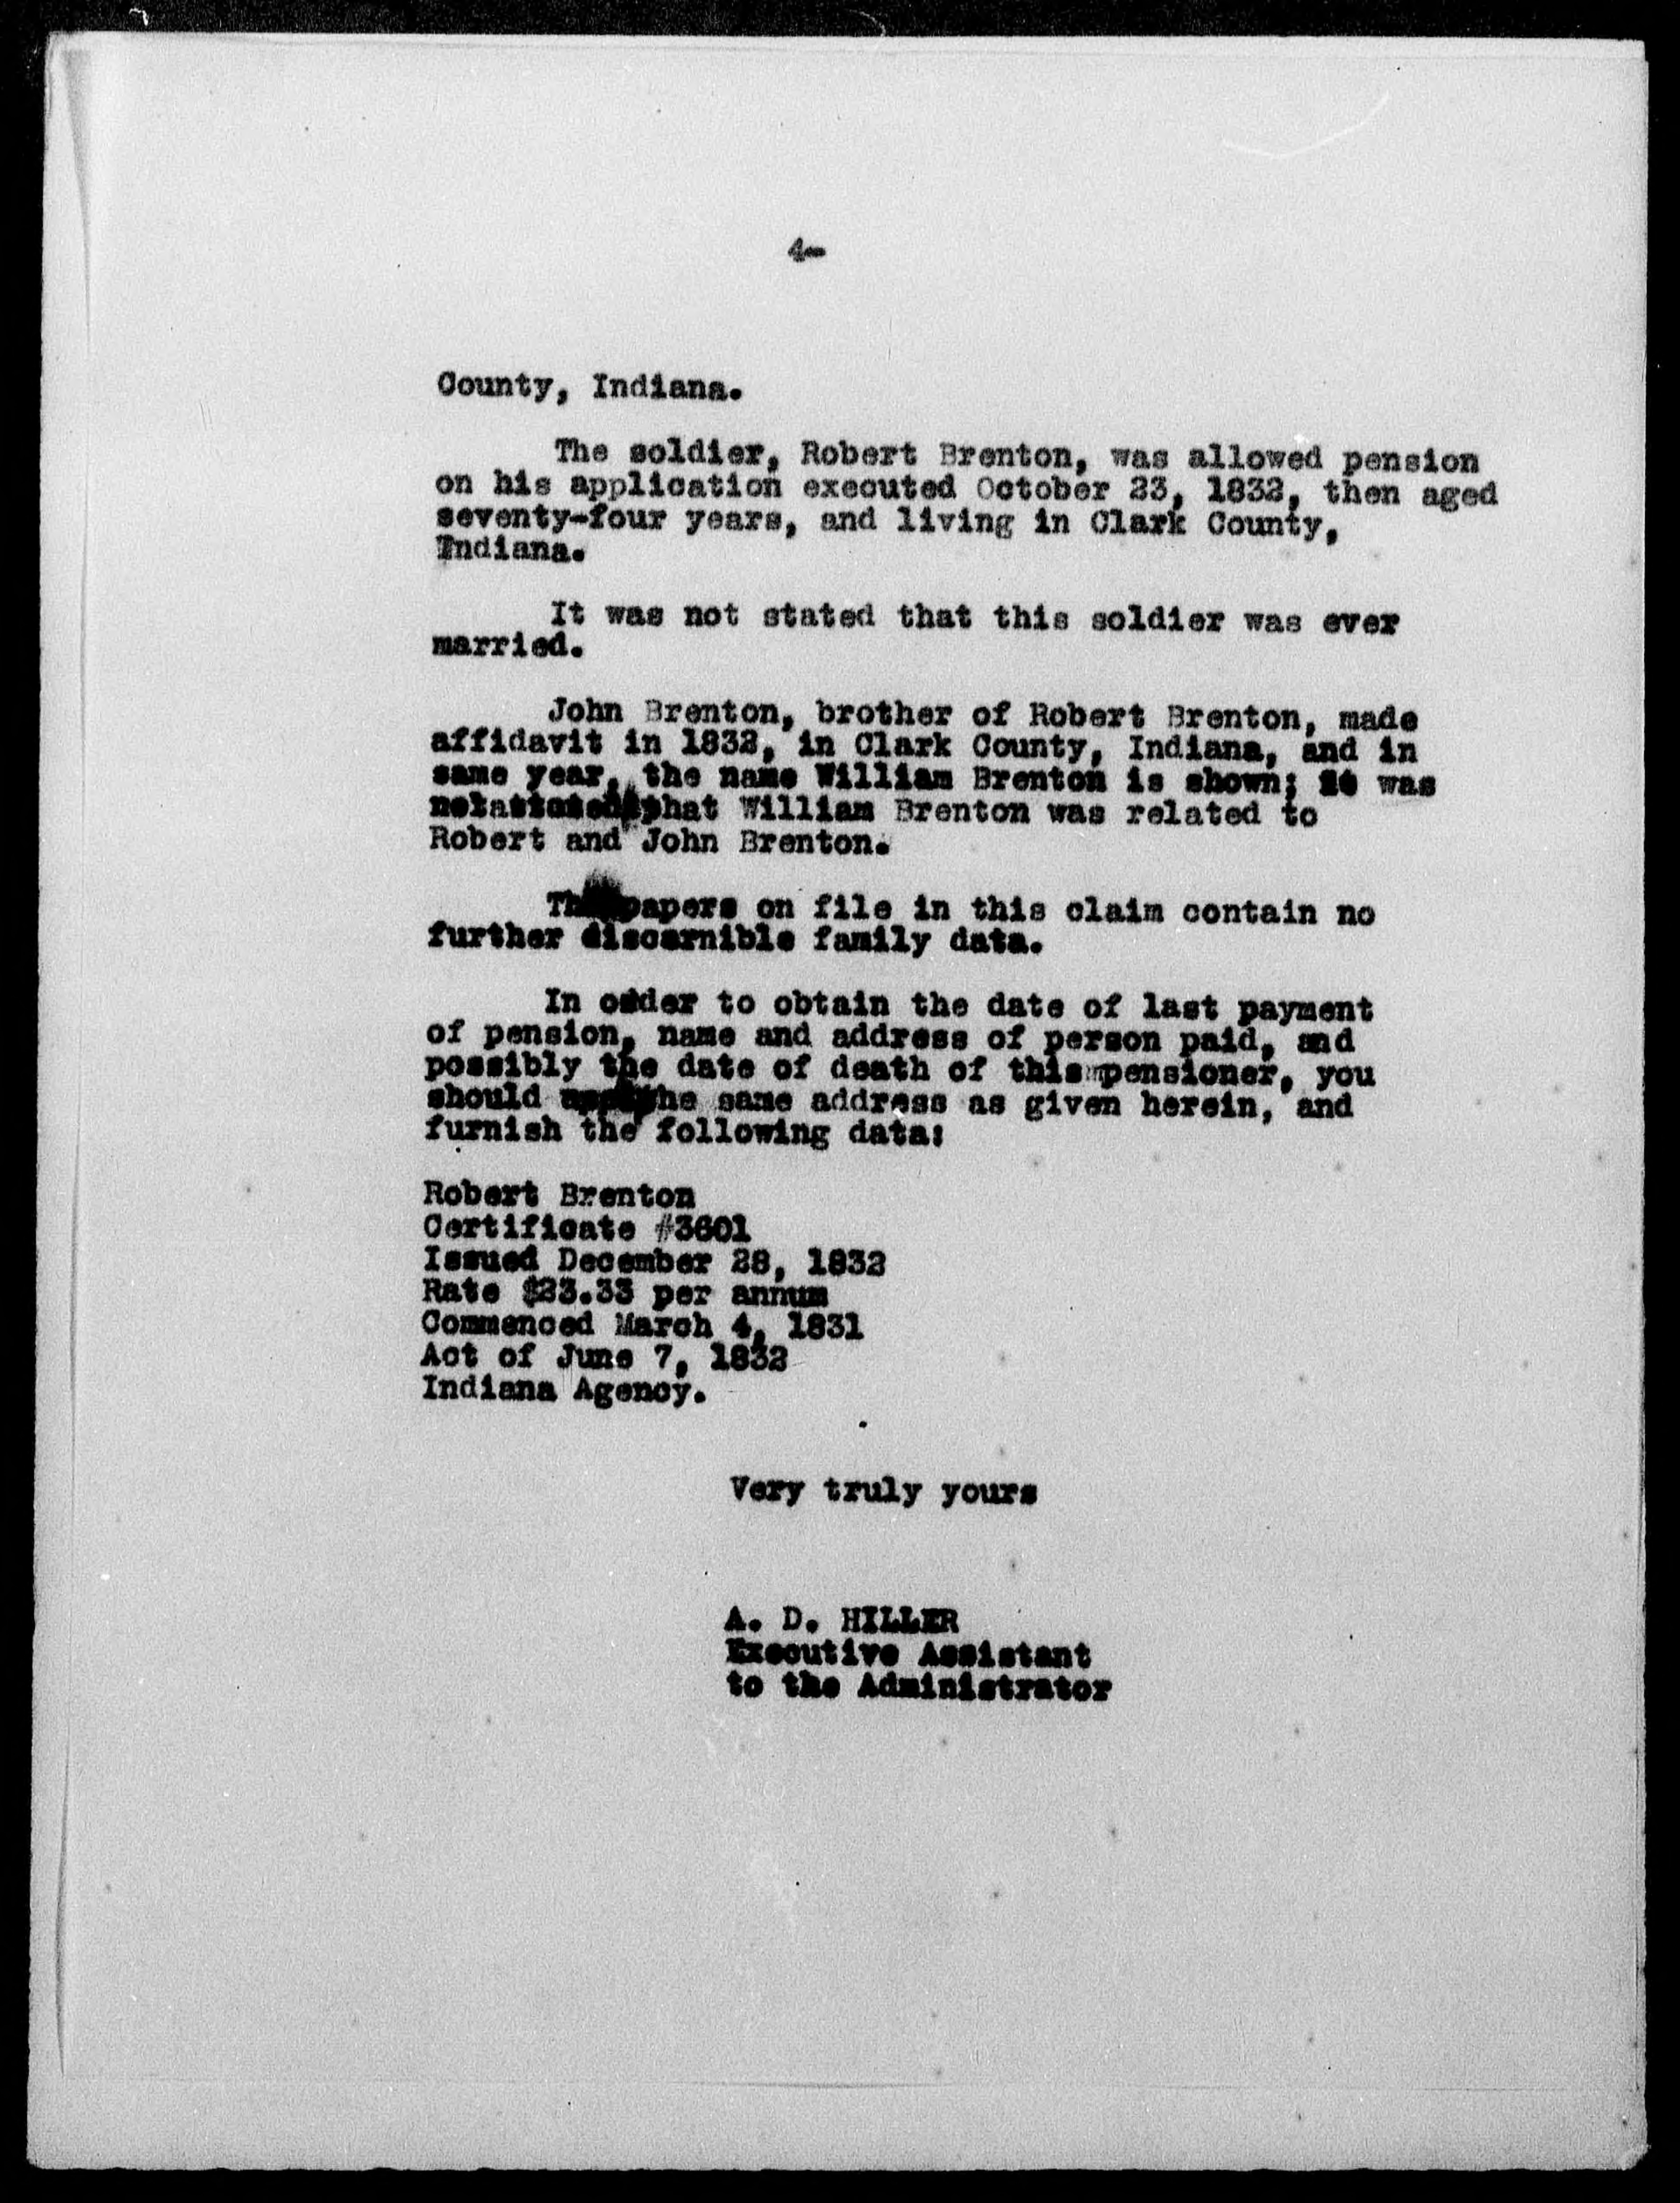[page] 4-
County, Indiana.
The soldier, Robert Brenton, was allowed pension on his application executed October 23, 1832, then aged seventy-four years, and living in Clark County, Indiana.
It was not stated that this soldier was ever married.
John Brenton, brother of Robert Brenton, made affidavit in 1832, in Clark County, Indiana, and in same year, the name William Brenton is shown; it was not stated that William Brenton was related to Robert and John Brenton.
The papers on file in this claim contain no further discernible family data.
In order to obtain the date of last payment of pension, name and address of person paid, and possibly the date of death of this pensioner, you should inquire of the same address as given herein, and furnish the following data:
Robert Brenton
Certificate #3601
Issued December 23, 1832
Rate $23.33 per annum
Commenced March 4, 1831
Act of June 7, 1832
Indiana Agency.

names: Robert Brenton, Robert Brenton, William Brenton, William Brenton, John Brenton, Robert Brenton, Robert Brenton, John Brenton, A D Hiller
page: 26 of 26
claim: survivor's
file: S. 16059, John Brenton, Penn. Va.